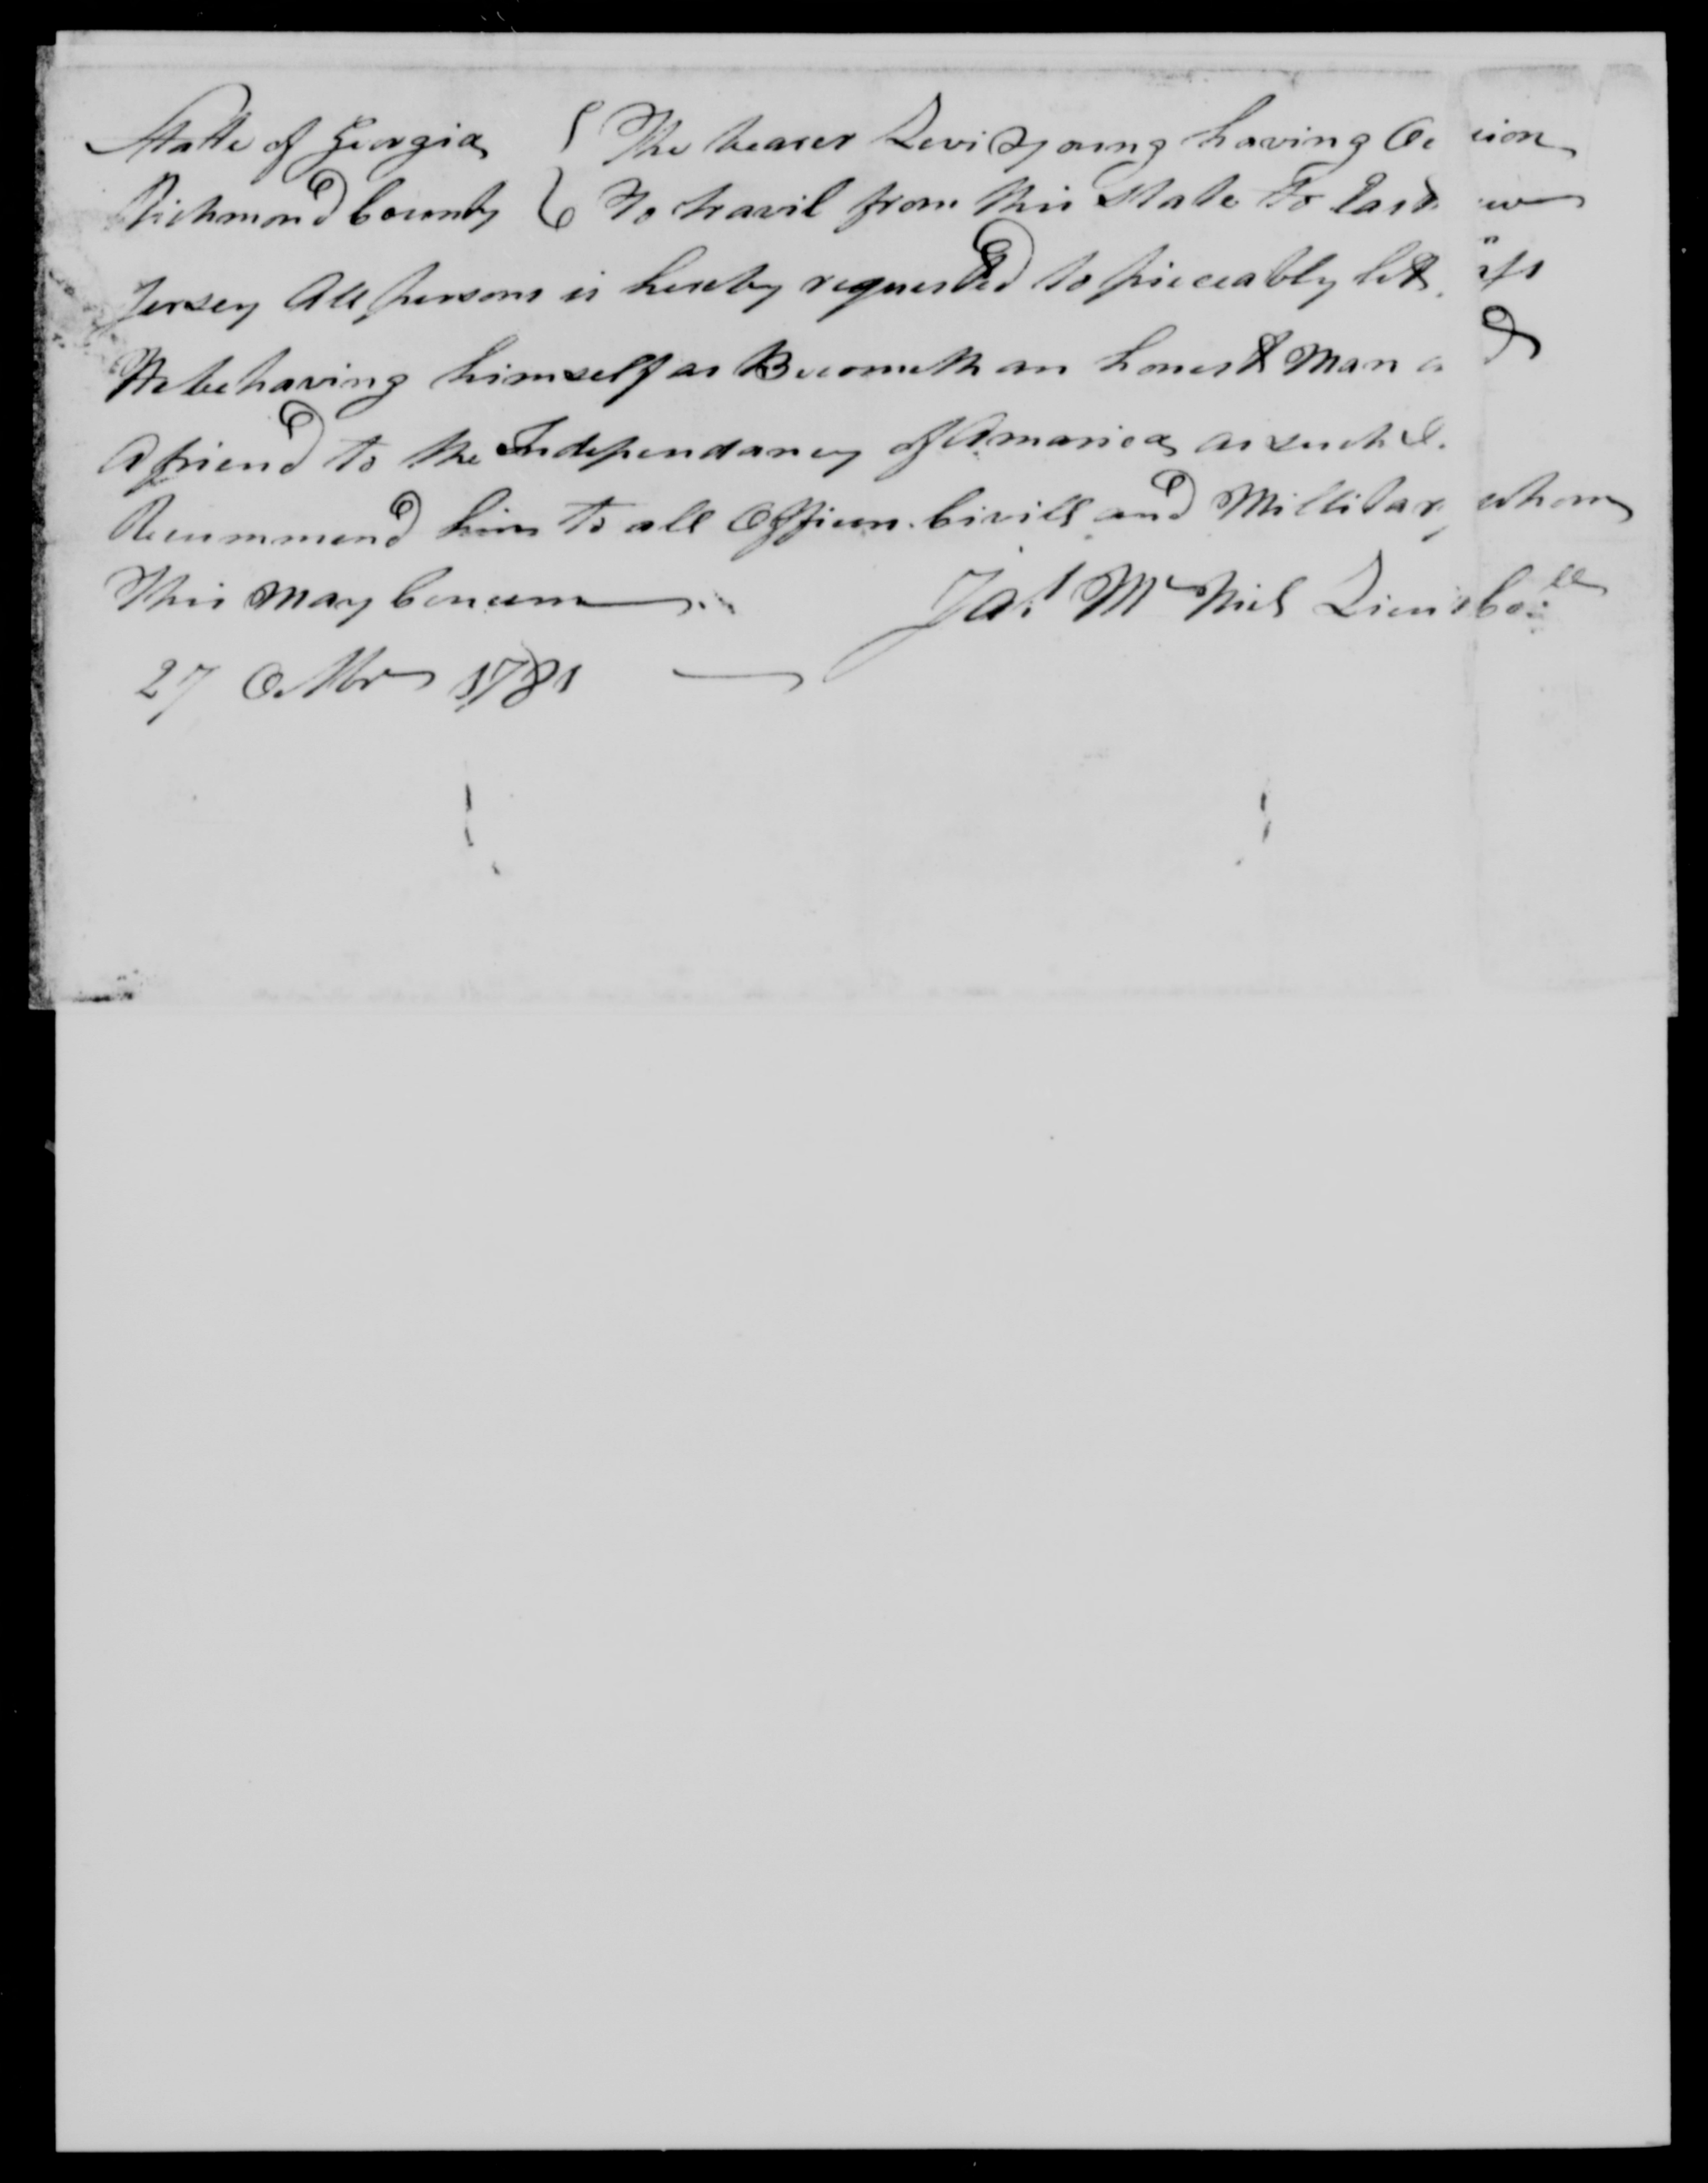State of Georgia { The hearer Levi Young having occasion
Richmond County { to travil (sic travel) from this state to (?) New
Jersey all persons is hereby requested to pieceably (sic peaceably) (?)
(?) behaving himself as Becometh an honerable Man and
a friend to the Independancy (sic Independency) of America as such (?)
Recommend him to all Officers (?) and Millitary (sic military) whom
This may concern.   Jas [James] McNeil (?)
27 October 1781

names: Jas Mc Niel, Levi Young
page: 29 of 56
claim: widow's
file: W. 9040, Levi Young, Ga. New Jersey S.C.